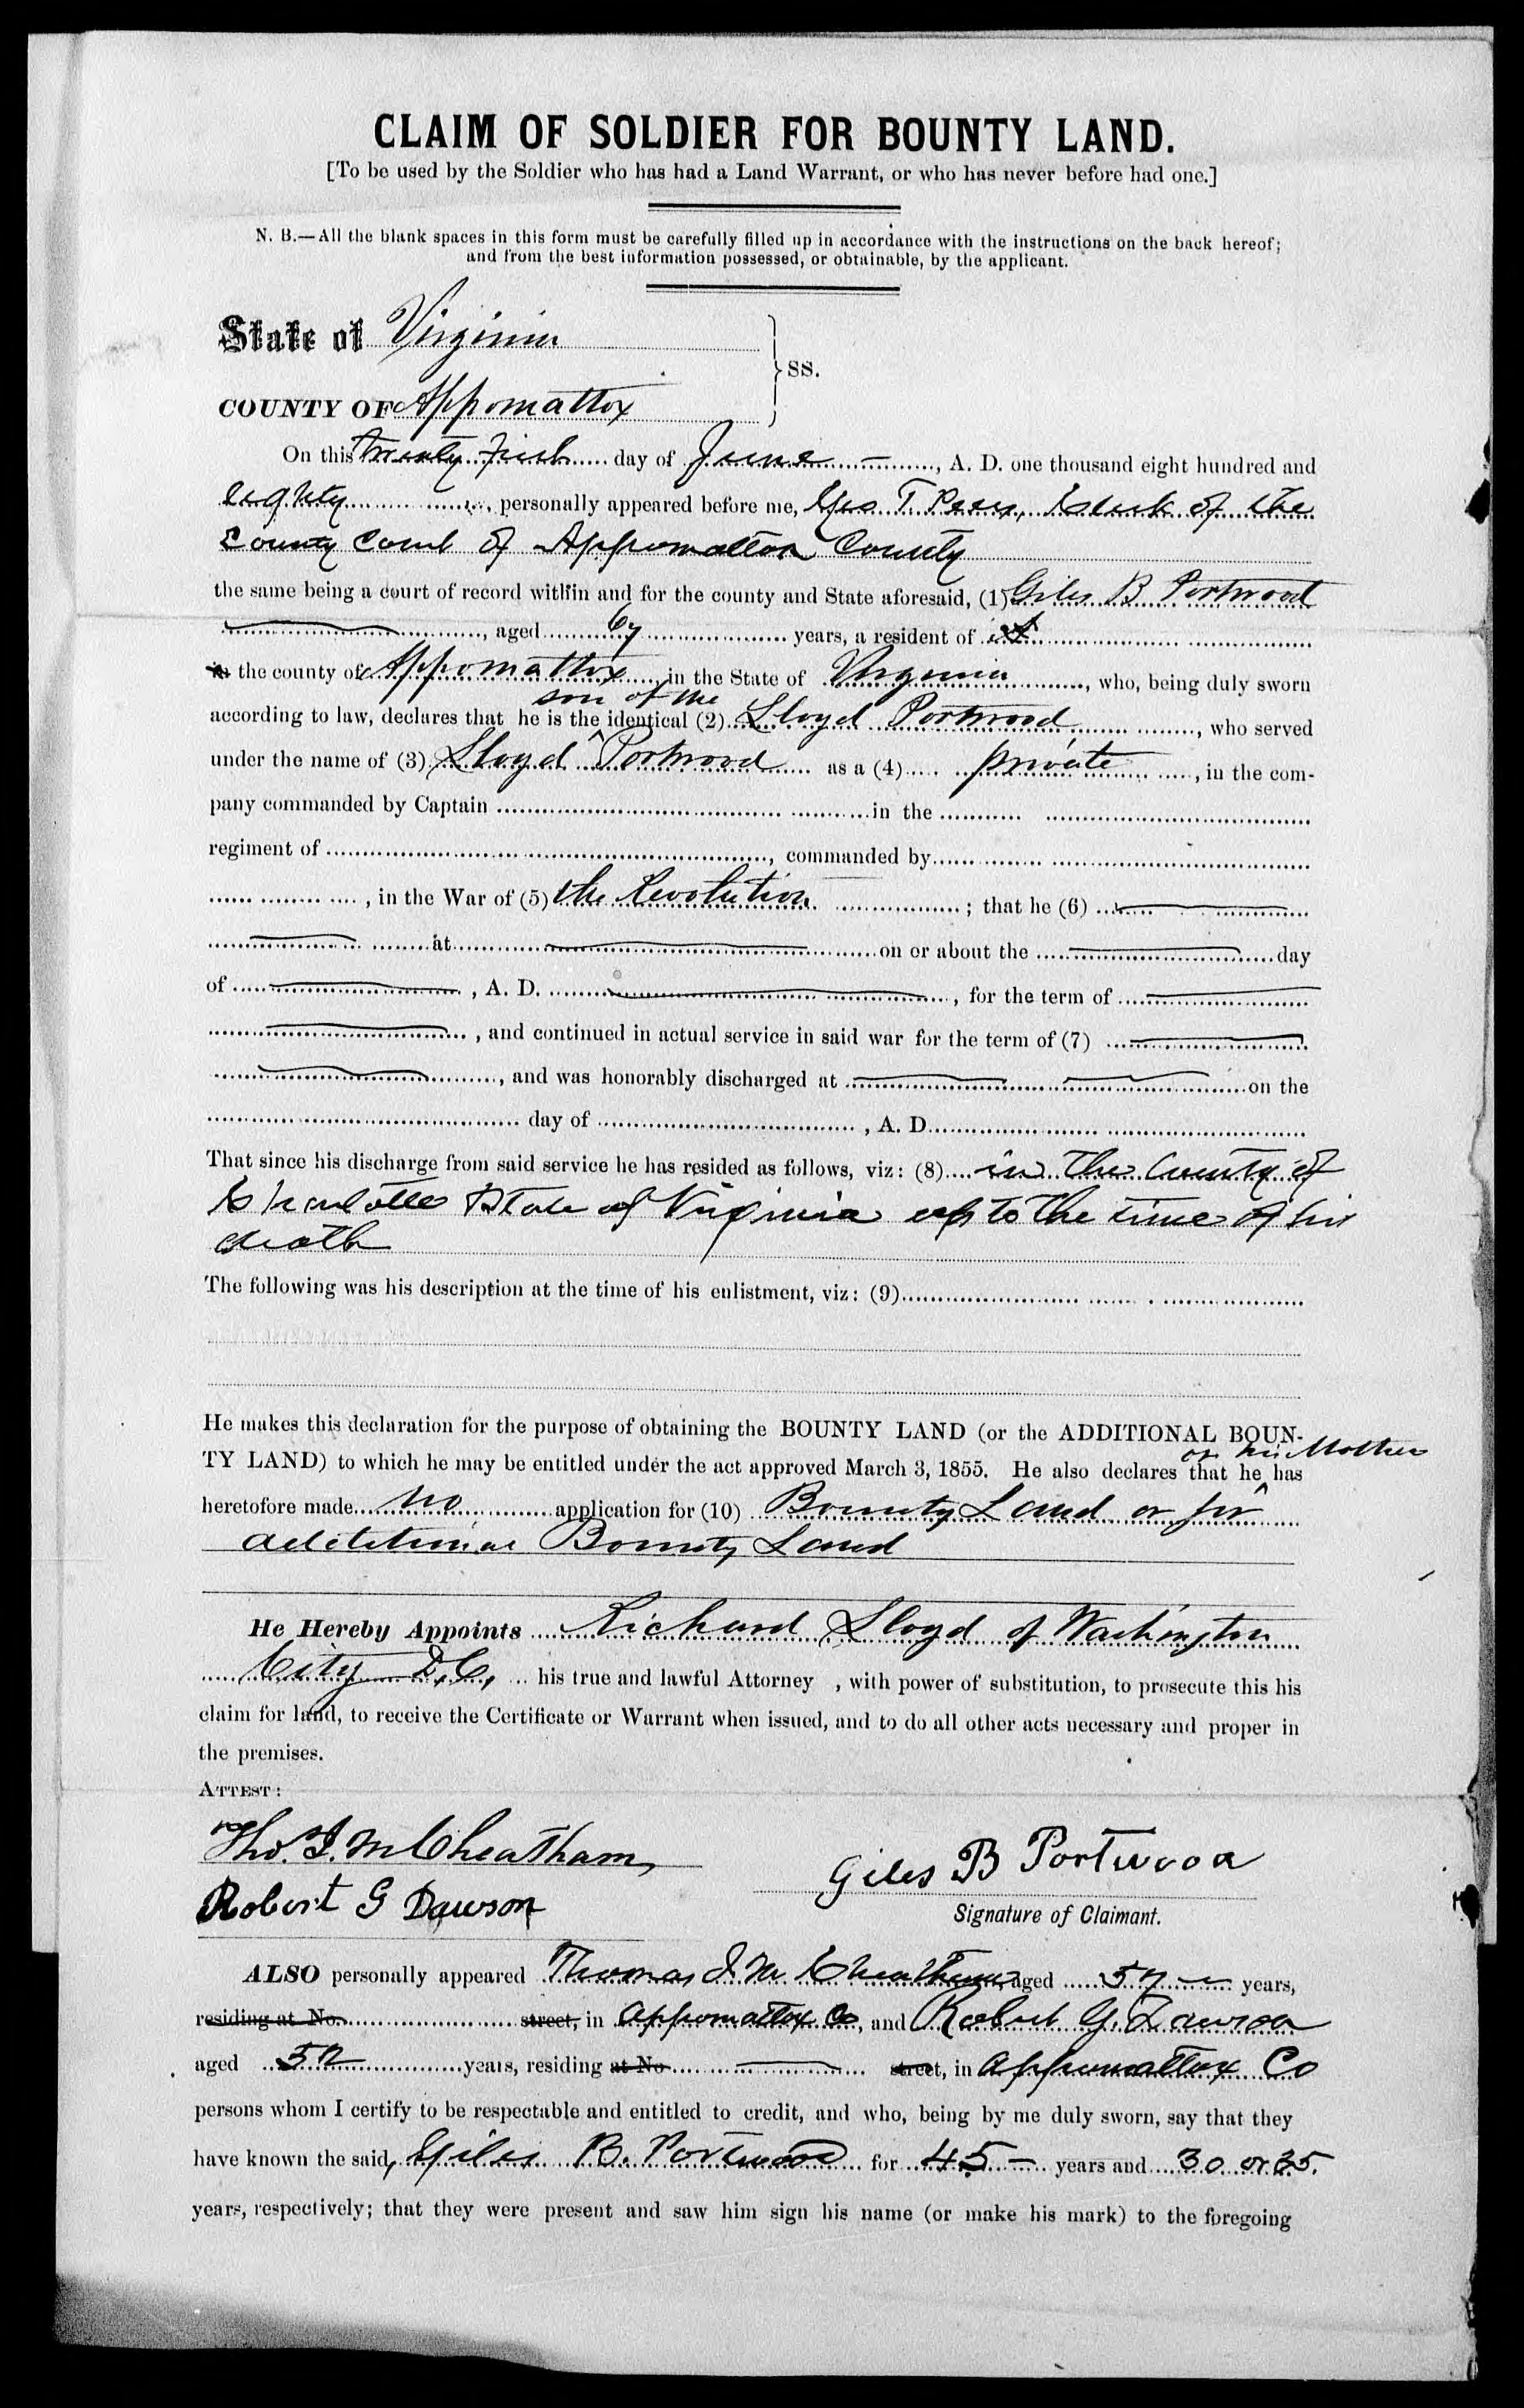CLAIM OF SOLDIER FOR BOUNTY LAND.
[To be used by the Soldier who has had a Land Warrant, or who has never before had one.]
N. B. -- All the blank spaces in this form must be carefully filled up in accordance with the instructions on the back hereof;
and from the best information possessed, or obtainable, by the applicant.
State of Virginia
COUNTY OF Appomattox
SS.
On this twenty first day of June - A. D. one thousand eight hundred and
eighty, personally appeared before me, Geo T. Peers, Clerk of the
County Court of Appomattox County
the same being a court of record within and for the county and State aforesaid, (1) Giles B Portwood
[lined thru], aged 67 years, a resident of A [crossed out]
in [crossed out] the county of Appomattox in the State of Virginia, who, being duly sworn
according to law, declares that he is the {insert starts] son of the [insert ends] identical (2) Lloyd Portwood, who served
under the name of (3) Lloyd Portwood as a (4) private, in the company
commanded by Captain [blank] in the [blank]
regiment of [blank], commanded by [blank]
[blank], in the War of (5) the Revolution; that he (6) [lined out]
[lined out] at [lined out] on or about the [lined out] day
of [lined out], A. D. [lined out], for the term of [lined out]
[lined out], and continued in actual service in said war for the term of (7) [lined out]
[lined out], and was honorably discharged at [lined out] on the
[blank] day of [blank], A. D. [blank].
That since his discharge from said service he has resided as follows, viz: (8) in the County of
Charlotte State of Virginia up to the time of his
death
The following was his description at the time of his enlistment, viz: (9) [blank]
He makes this declaration for the purpose of obtaining the BOUNTY LAND (or the ADDITIONAL BOUNTY
LAND) to which he may be entitled under the act approved March 3, 1855. He also declares that he [insert starts] or his Mother [insert ends] has
heretofore made no application for (10) Bounty Land or for
additional Bounty Land
He Hereby Appoints Richard Lloyd of Washington
City D.C. his true and lawful Attorney , with power of substitution, to prosecute this his
claim for land, to receive the Certificate or Warrant when issued, and to do all other acts necessary and proper in
the premises.
ATTEST:
Thos. J. M Cheatham
Robert G Dawson
Giles B Portwood
Signature of Claimant.
ALSO personally appeared Thomas J M Cheatham, aged 57 ~ years,
residing at No. [lined out] [blank] street [lined out], in Appomattox Co, and Robert G. Dawson
aged 52 years, residing at No. [lined out] [blank] street [lined out], in Appomattox Co
persons whom I certify to be respectable and entitled to credit, and who, being by me duly sworn, say that they
have known the said, Giles B. Portwood for 45 - years and 30 or 35
years, respectively; that they were present and saw him sign his name (or make his mark) to the foregoing
●
in the
●
regiment of
commanded by
in the War of (5) the Revolution.
that he ( 6 )
---
at
on or about the
day
of
, A. D.
---
for the term of
---
and continued in actual service in said war for the term of (7)
and was honorably discharged at the
day of
A. D.
That since his discharge from said service he has resided as follows, viz: (8), in the County of
Charlotte State of Virginia to the time of his
death
The following was his description at the time of his enlistment, viz: ( 9 ).
He makes this declaration for the purpose of obtaining the BOUNTY LAND (or the ADDITIONAL BOUN other
TY LAND ) to which he may be entitled under the act approved March 3, 1855. He also declares that he has
heretofore made.
application for 10) Bounty Land or for
additional Bounty Land
---
He Hereby Appoint Richard Lloyd of Washington
his true and lawful Attorney, with power of substitution, to prosecute this his
claim for land, to receive the Certificate or Warrant when issued, and to do all other acts necessary and proper in
the premises.
ATTEST:
Tho. J.M Cheatham,
Robert G Dawson
Giles B Portwood
Signature of Claimant.
---
ALSO personally appeared Thomas J. M. Cheathen aged 57 years
residing at No.
tee in Appomattox Co, and Robert G. Lawson
aged 3
years, residing at No.
in Appomattox Co
persons whom I certify to be respectable and entitled to credit, and who, being by me duly sworn, say that they
have known the said file Portwood for 45 years and 305.
years, respectively; that they were present and saw him sign his name (or make his mark) to the foregoing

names: Giles B Portwood; Geo T Peers; Richard Lloyd; Lloyd Portwood; Robert G Dawson; Thos J M Cheatham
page: 13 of 50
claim: widow's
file: W. 1929, for Lloyd Portwood, Virginia